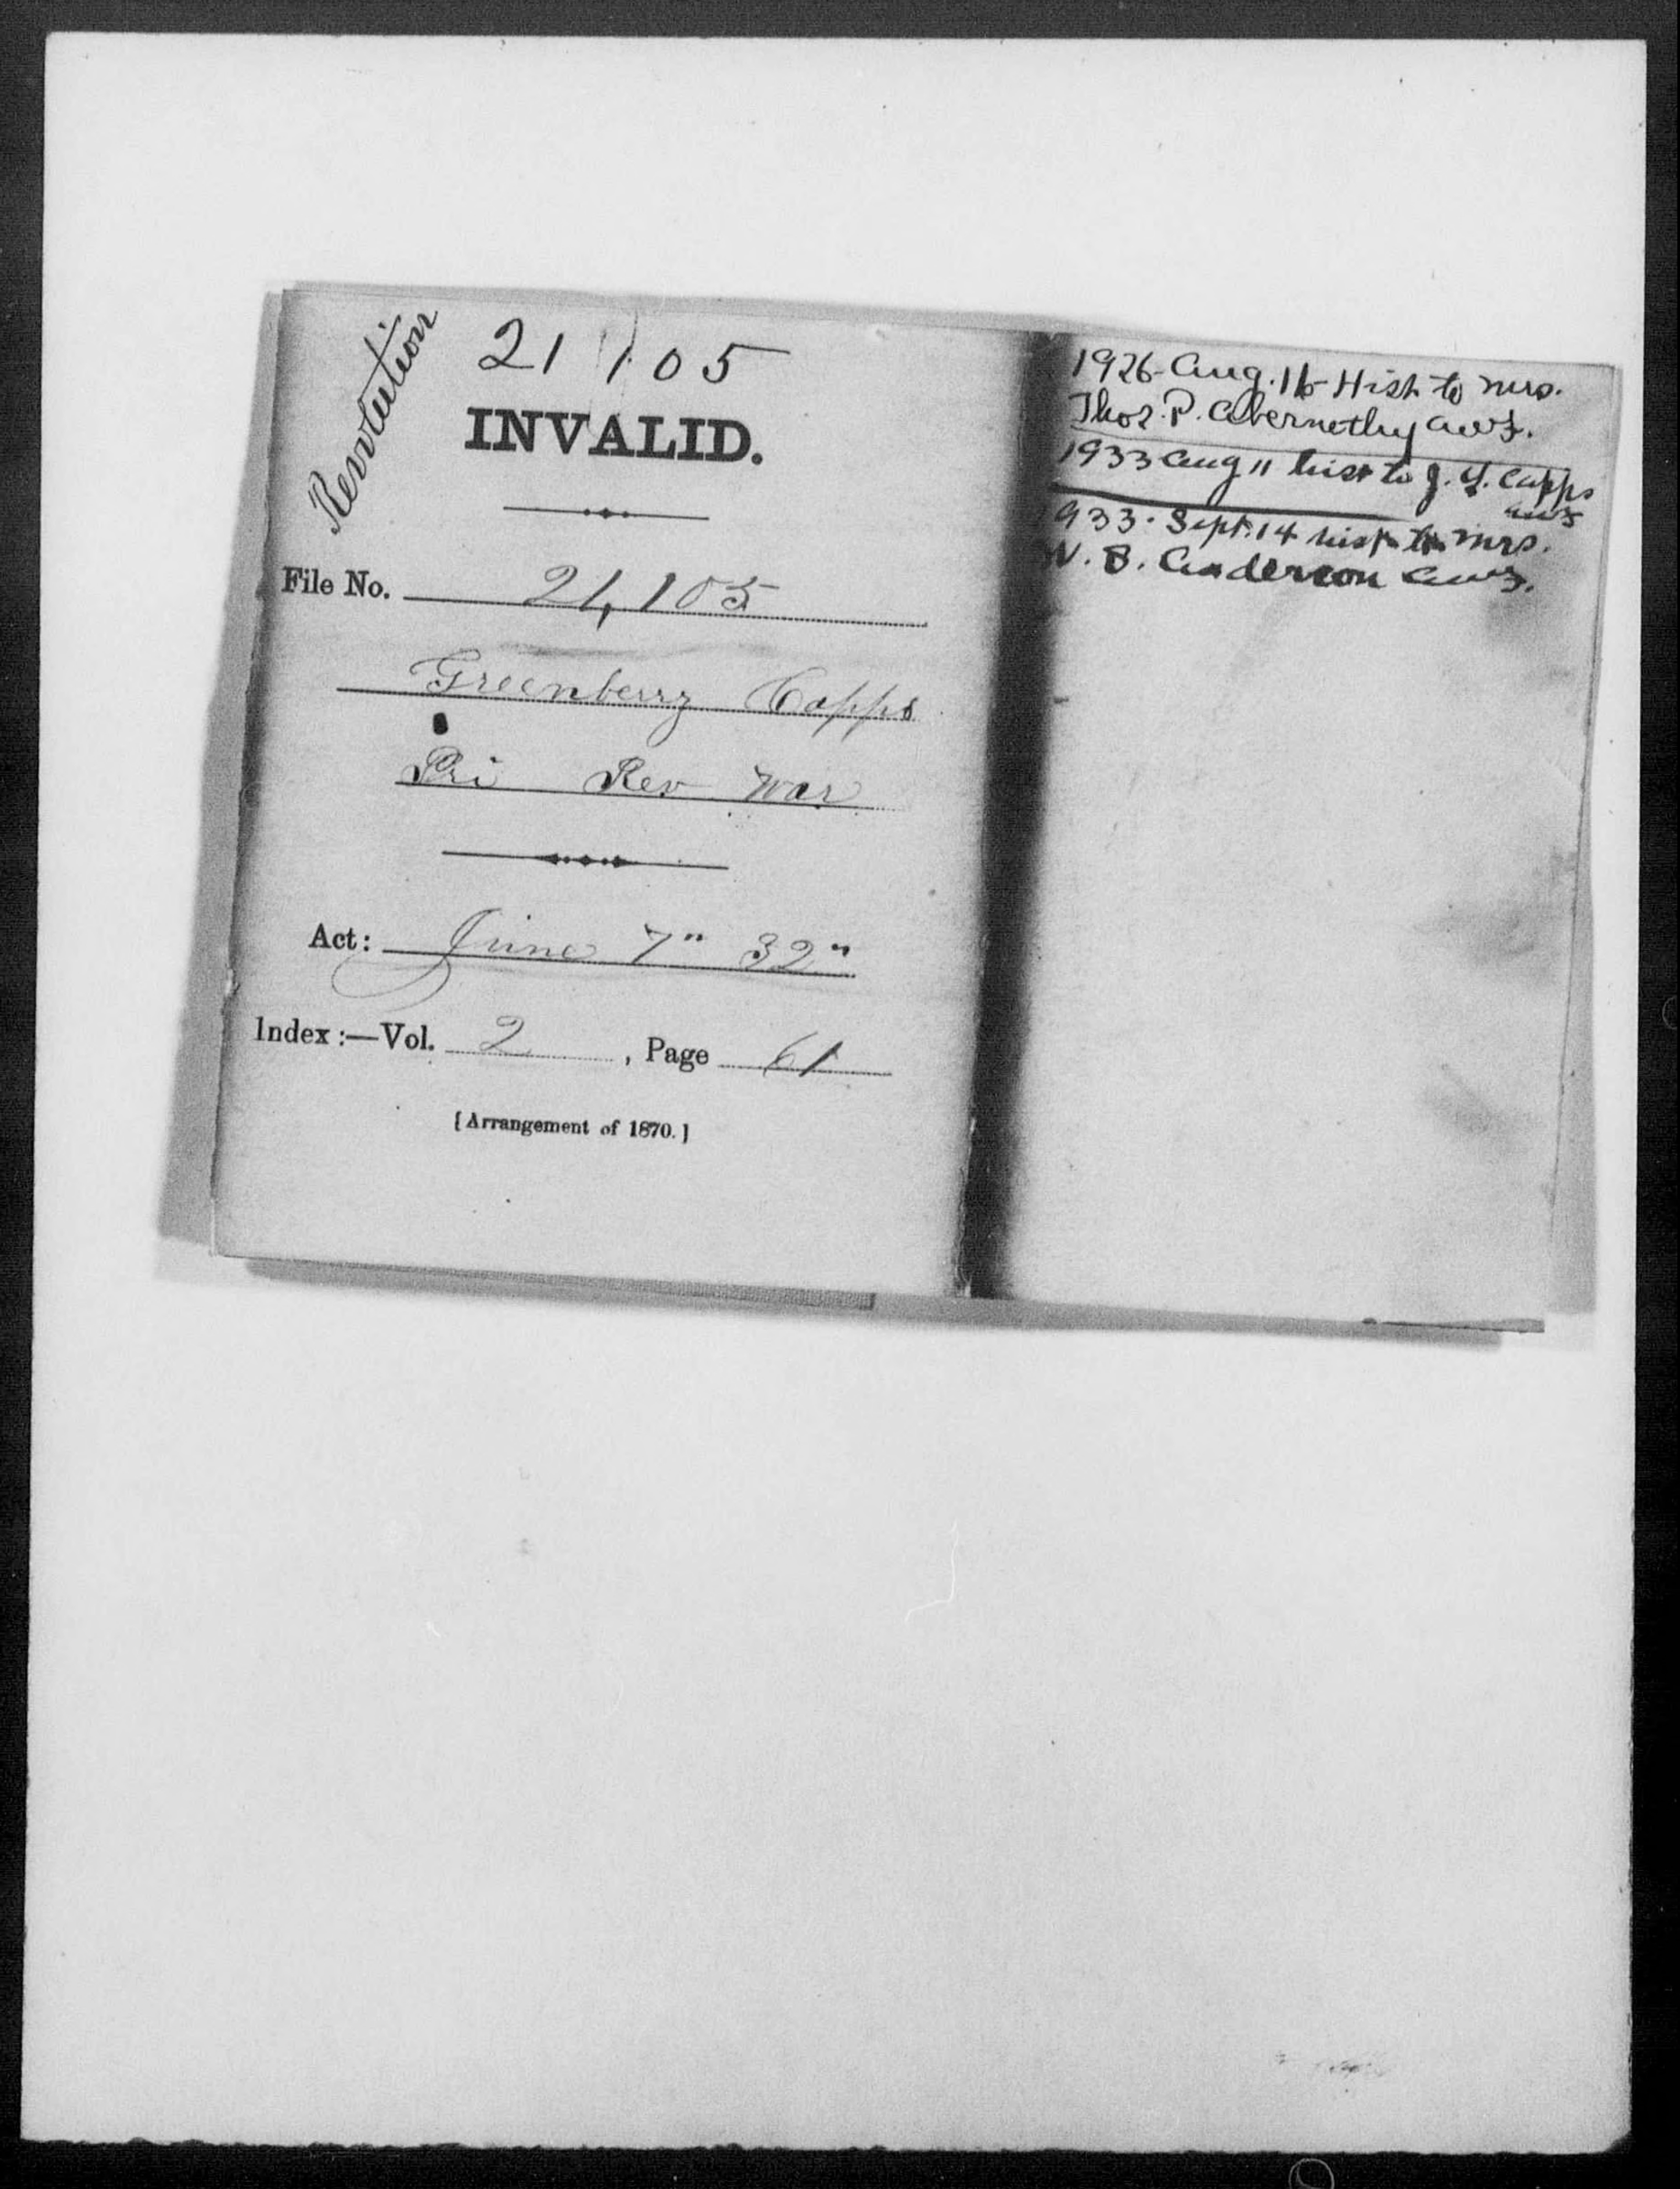(left page ) Revolution 21105 INVALID. File No. 21,105 Greenbery Capps Pri Rev War Act : June 7" 32"  Index: - Vol. 2 Page 61  [ Arrangement of 1870.]  ( right page ) 1926 Aug 16 - Hist to Mrs. Thos P. Abernathy ans 1933 Aug 11 hist to J. G.Capps ans 1933 Sept 14 hist to Mrs. W.B. Anderson ans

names: Greenberry Capps, J L Capps, Thos P Abernethy, N B Anderson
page: 11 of 26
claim: survivor's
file: S. 21105, Greenbery Caps, S.C.